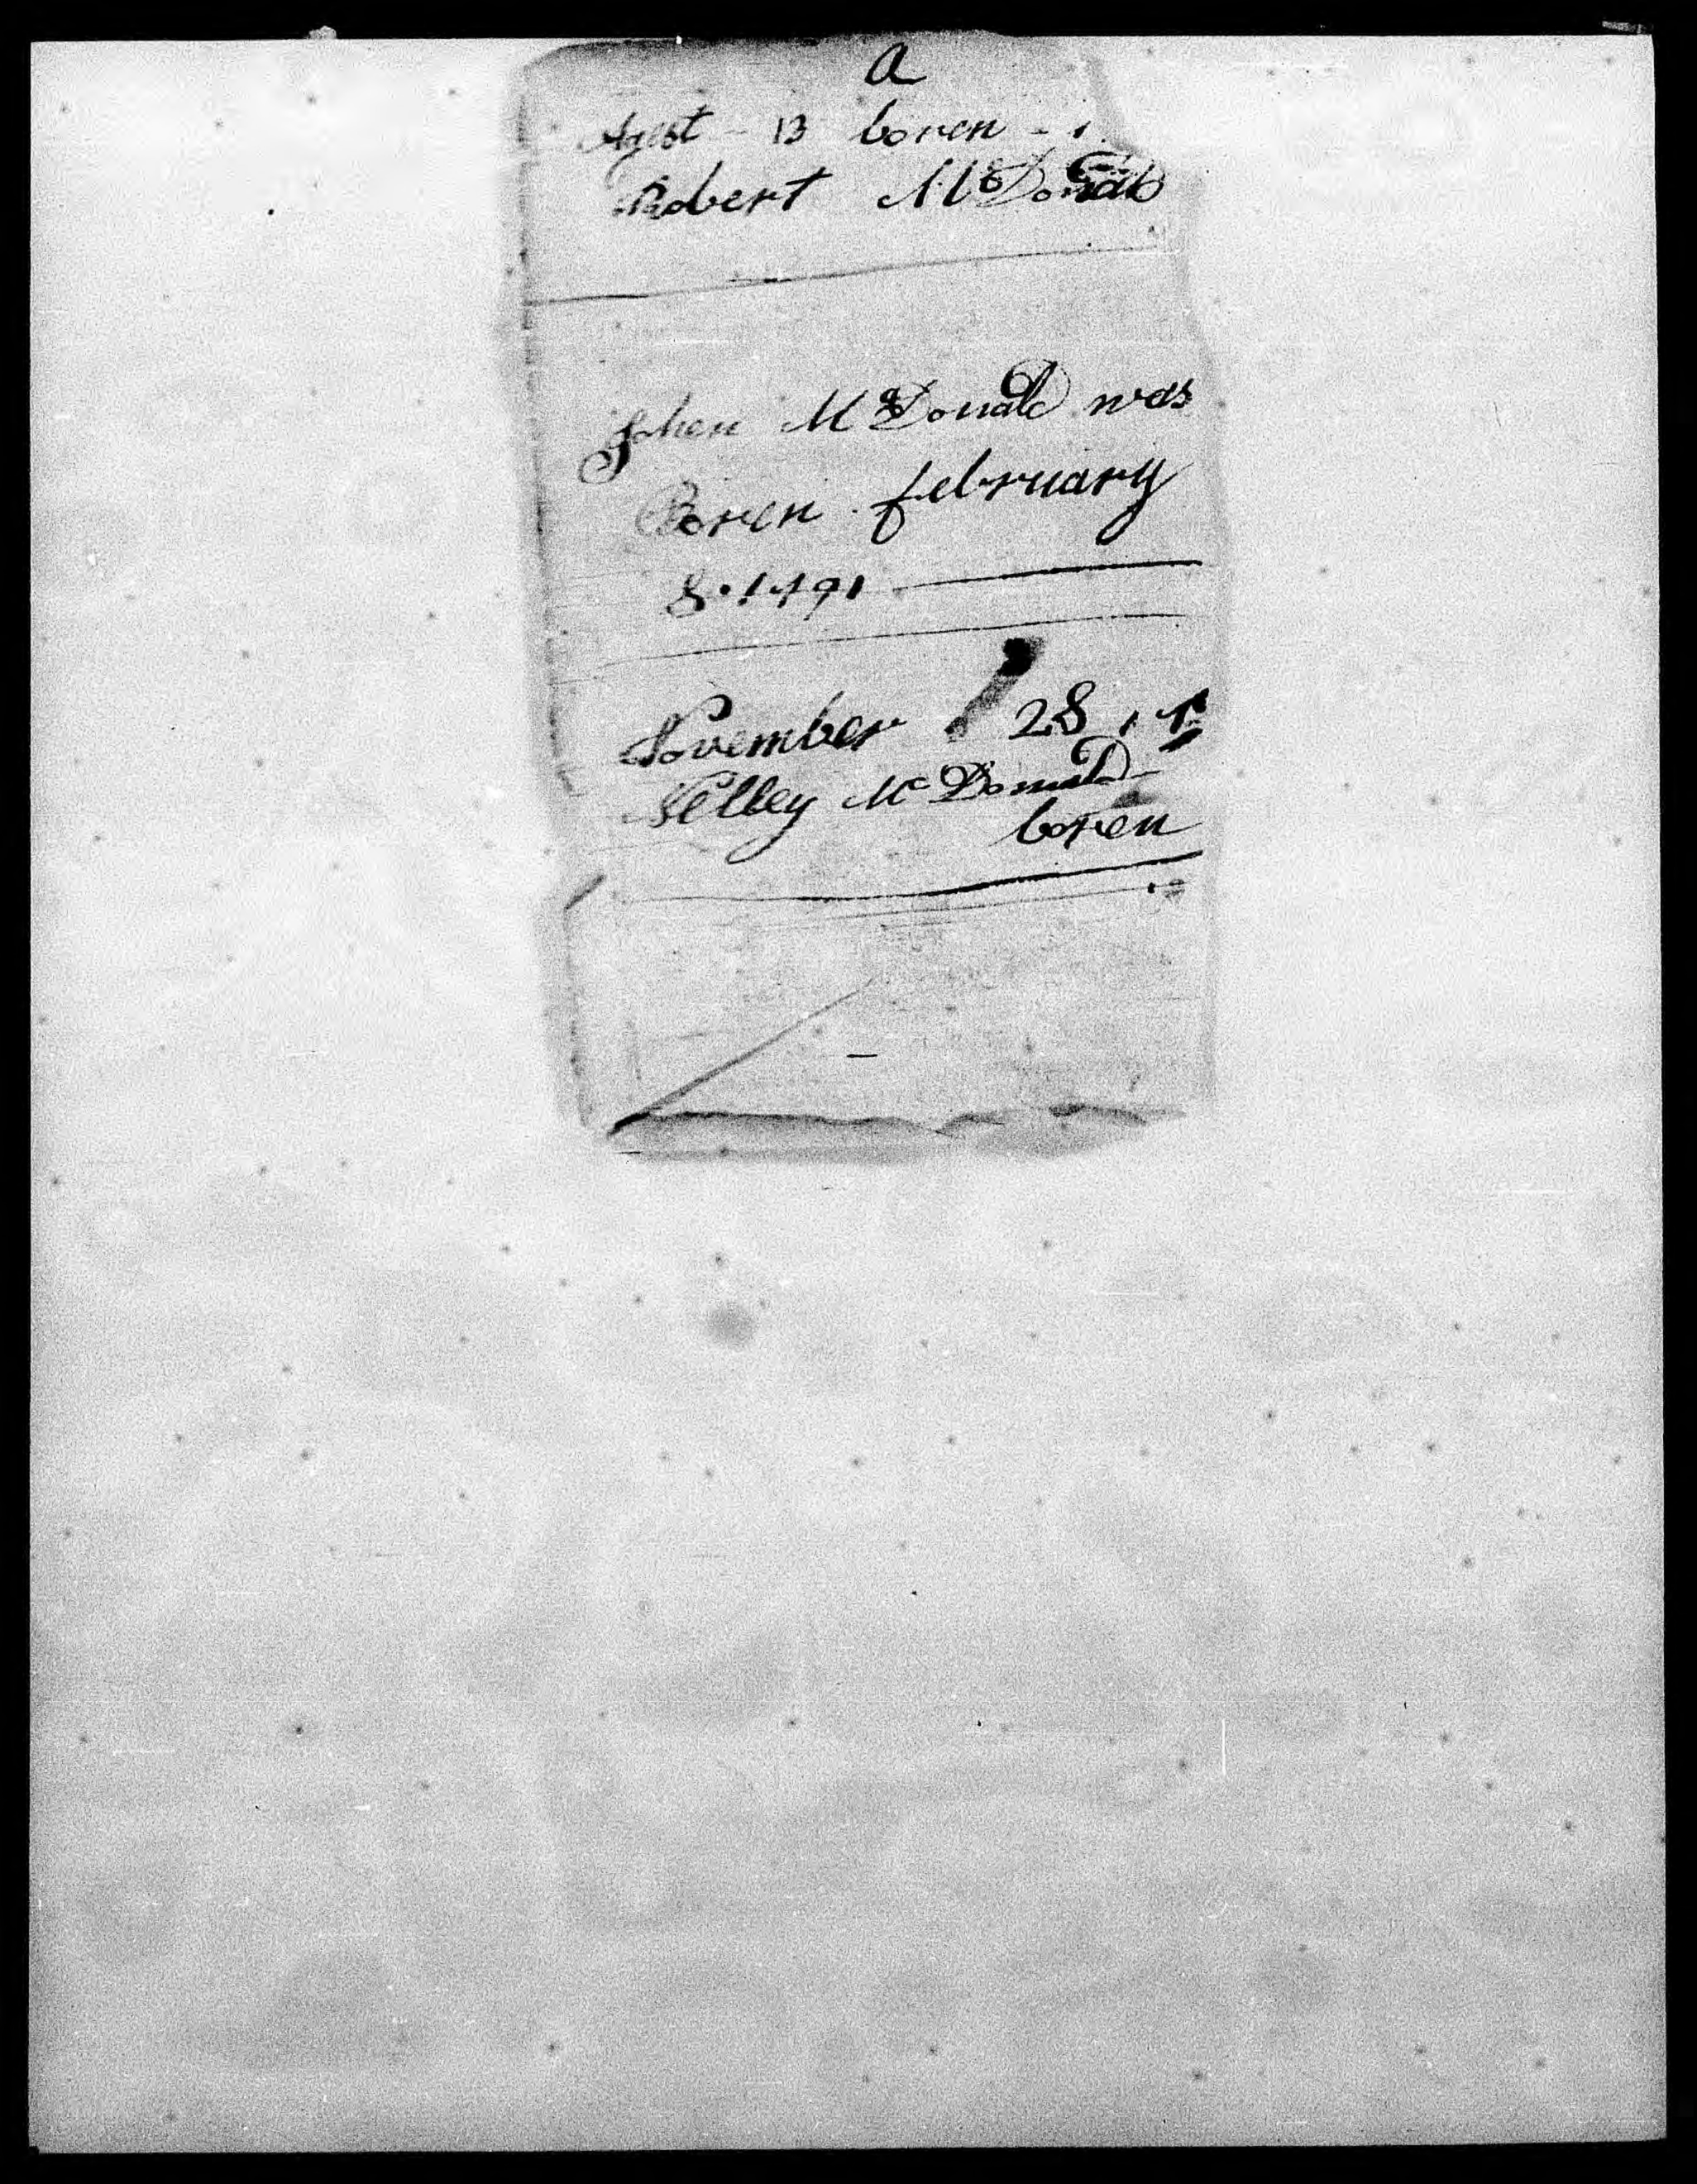August 13 Born Robert  McDonald
John McDonald was born February S.1491
November 28 Kelley McDonald born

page: 17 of 59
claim: widow's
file: W 3703, for Robert Mc Donald, Pennsylvania